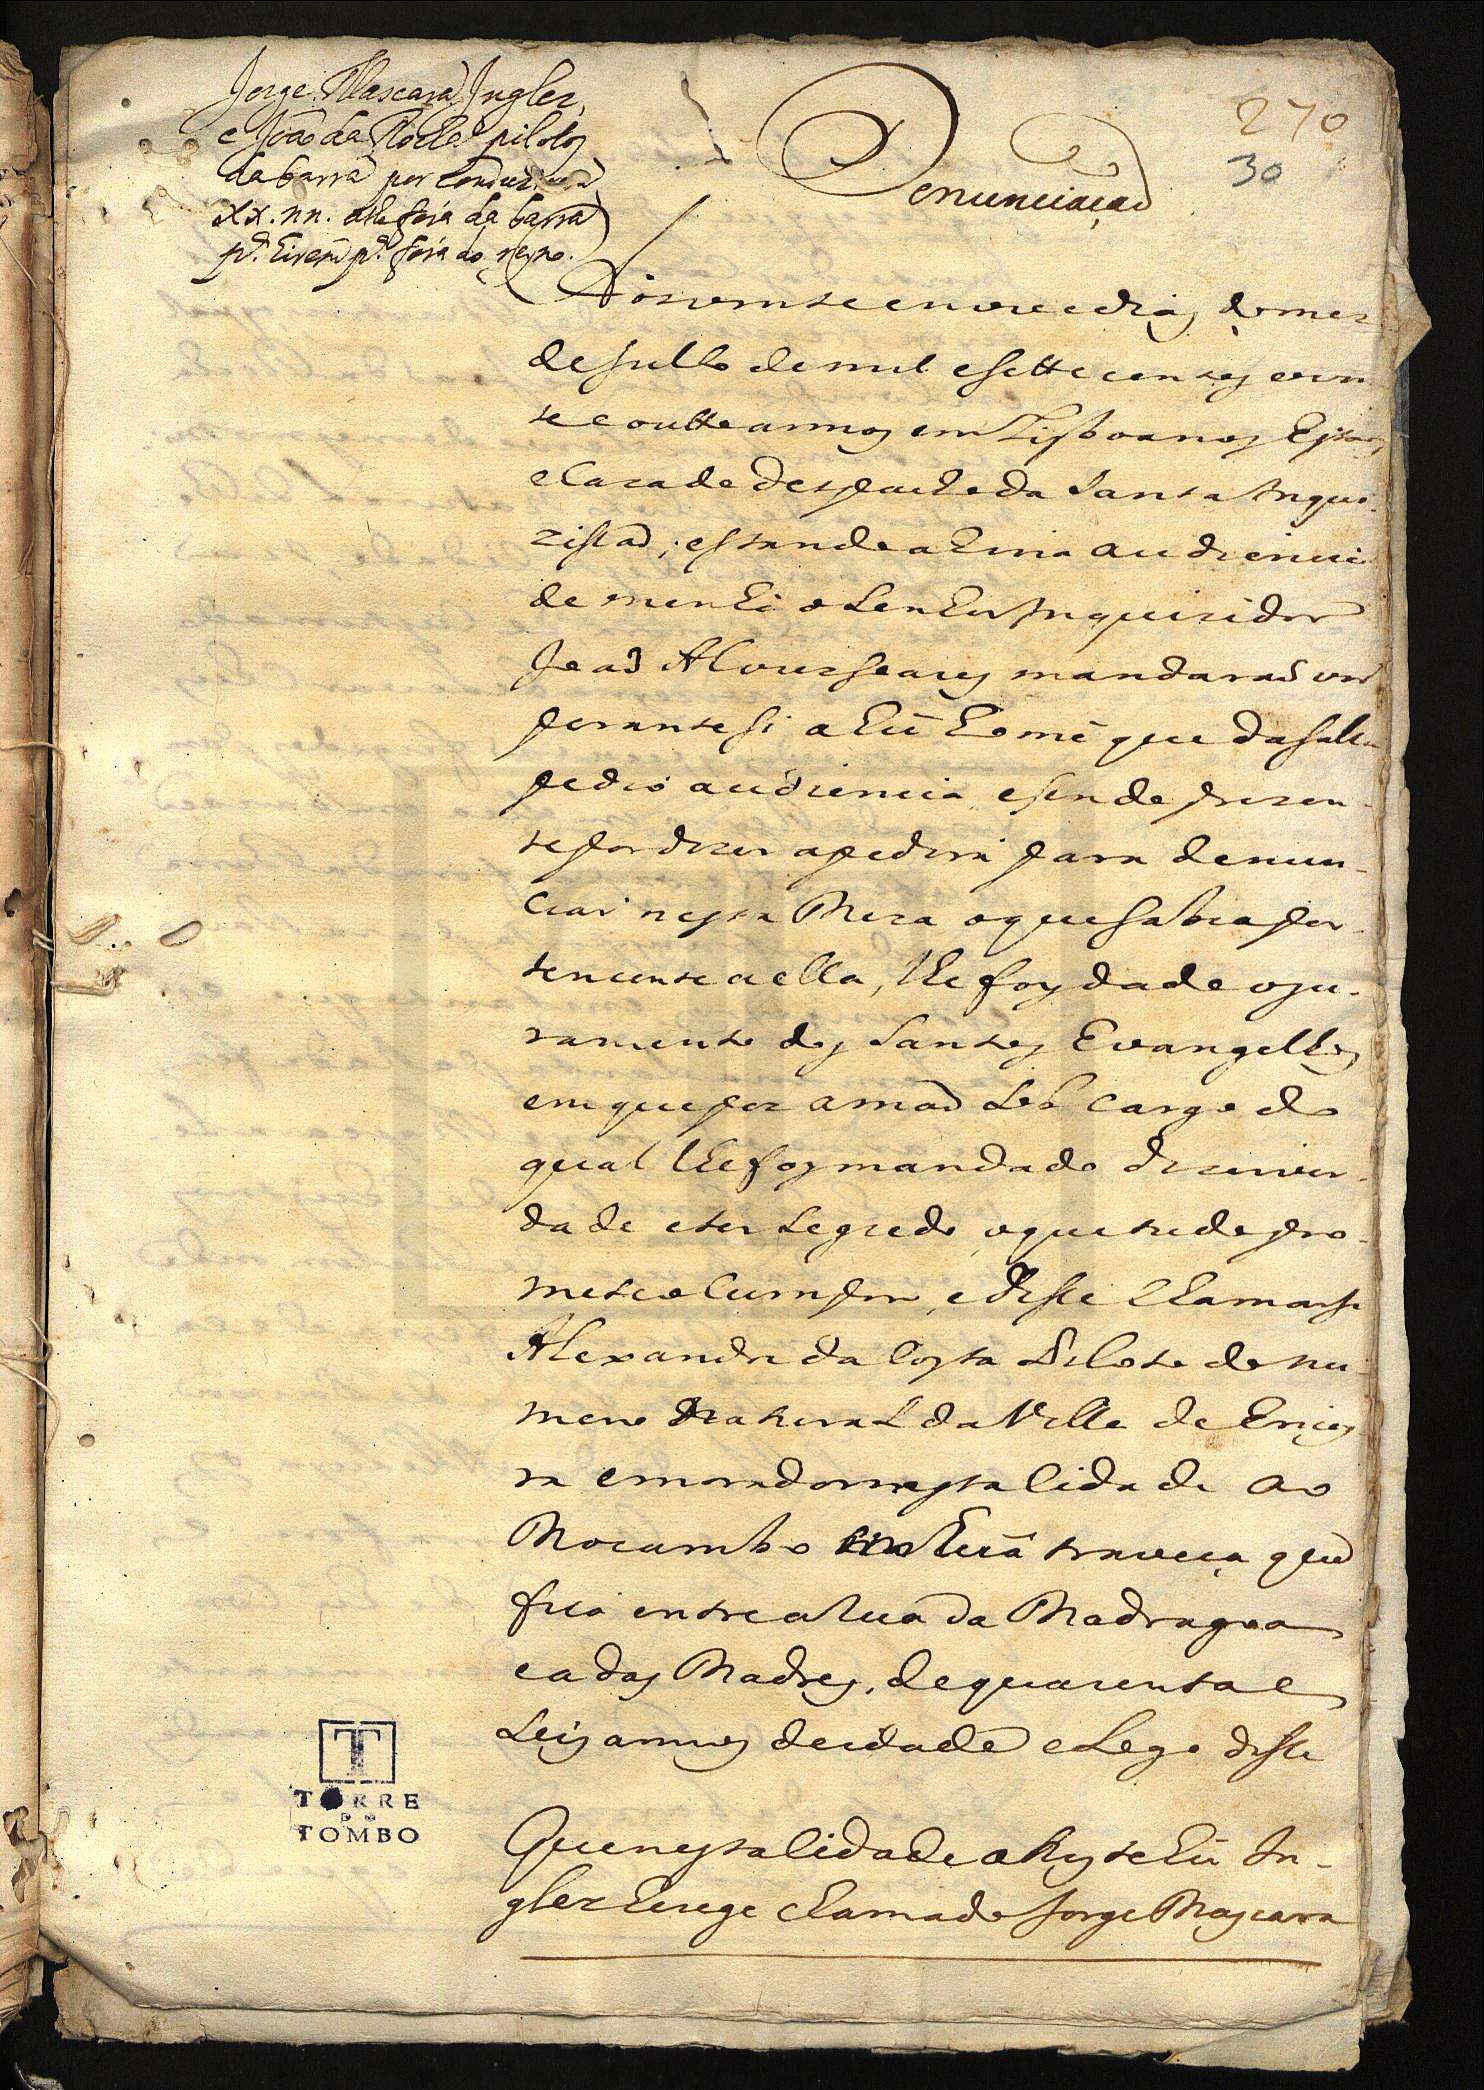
Jorge Mascara Jnglez,
270
e João da Rocha pilotos
da barra por conduz
Denunciação
xx. nn. athe fora da barra
p.a hirem p.a fora do reyno
Aoz vite e noue dias do mes
de Julho de mil e settecentos e vin
te e outto annos em Lisboa nos Estaos
e Caza do despacho da Santa Inqui
zissaõ; estando ahi na audiencia
de menhã o Senhor Jnquizidor
Joaõ Alvrez soares mandaraõ vir
perante si a hū homē que da salla
pedio audiencia, e sendo prezen
te por dizer a pedira para denun
ciar nesta Meza o que sabia per
tencente a ella, lhe foy dado o ju
ramento dos Santos Evangelhos
em que poz a maõ sob cargo do
qual lhe foy mandado dizer ver
dade e ter Segredo, o que tudo pro
meteo Cumprir, e disse chamarse
Alexandre da Costa Piloto do nu
men natural da Villa de Ericey
ra, e morador nesta Cidade ao
Mocambo em huā traveça que
fica entre a Rua da Madragoa
e a das Madres, de quarenta e
seis annos de idade e Logo disse
Que nesta cidade assiste hū In
glez herege chamado Jorge Mascara
